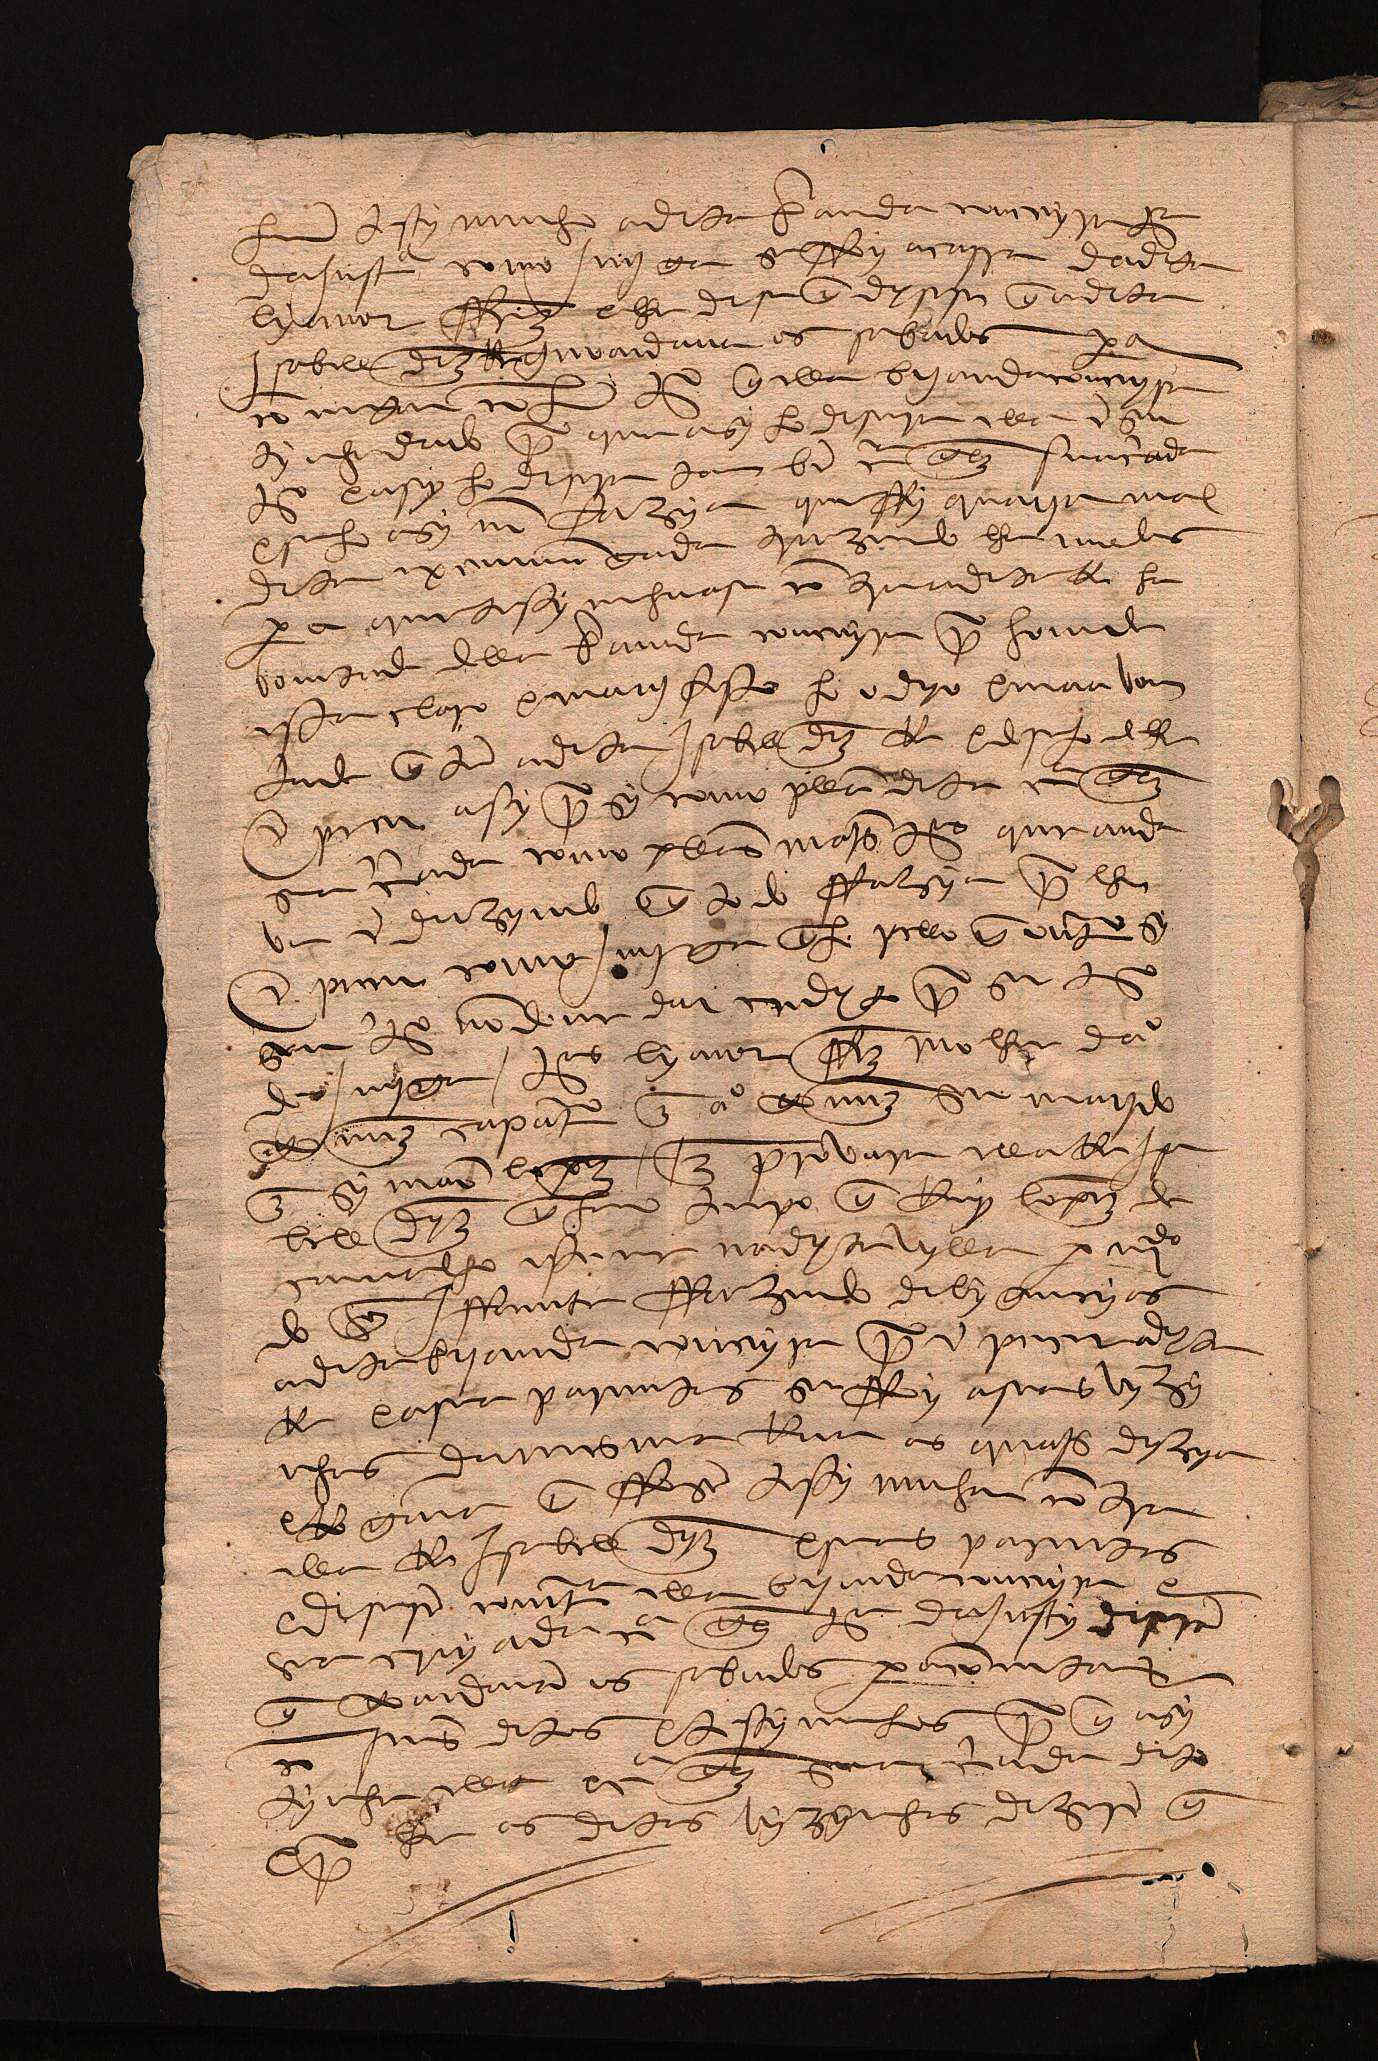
hū testymunho a dita bianda couceyra tsa
da Justa como Jmjga se ffoy a cassa da dita
lyanor f̄frz e lhe dize q̄ dysese q̄ a dita
Jsabell d̄iz Re guoardaua os sabados ꝑa
c̄ocertar c̄o hū tso q̄ ella brjanda couceyra
tynha dado p̄o que asy o disera ella ē seu
tso e asy ho disera tambē cra ḡlz sua ciada
e se ho asy n̄o fazya que ffyquarja mal
dita excumūgada trazendo lhe medos
ꝑa que testymhuase c̄otra a dita Re ha
vomtade della bianda couceyra p̄o homde
esta claro e manjfesto ho odyo e maa vom
tade q̄ tē a dita Jsabel d̄iz Re e deseJo de lhe
ēpeçer asy p̄o sy como pllā dita ca ḡlz
sua ciada como pllās majs tsas que anda
va ēduzyndo o q̄ todo ffazya p̄o lhe
ēpeçer como Jmjga q̄ he pello q̄ outrosy
seu tso n̄o deue dar credyto p̄o ser tso
de Jmjga / tsas lyanor f̄frz molher dao
gomez capatro item ao gomez seu marjdo
item symão lopez / / item provara ella Re Jsa
bell d̄yz q̄ hao tenpo q̄ Ruy lopez de
carualho esteue na dyta vylla ꝑ mdo
do S̄or Jffamte ffazendo dilygencyas
a dita brjanda couceyra p̄o ēpecer a dyta
Re e a sua parentas se ffoy a suas vyzy
nhas da mesma Rua as quajs dyzya
e Rogara que ffosē testymuhar c̄otra
ella Re Jsabell d̄yz e suas parentas
e disesē comtra ella brjamda couceyra e
sua cryada ca ḡlz tsa da Justy diserā
q̄ goardauā os sabados ꝑa c̄ocertar
c̄o seus ditos e testymnhos p̄oq̄ asy
tynha ella e ca ḡlz sua ciada dito
e p̄o lhe as ditas vyzynhas dizerē q̄
